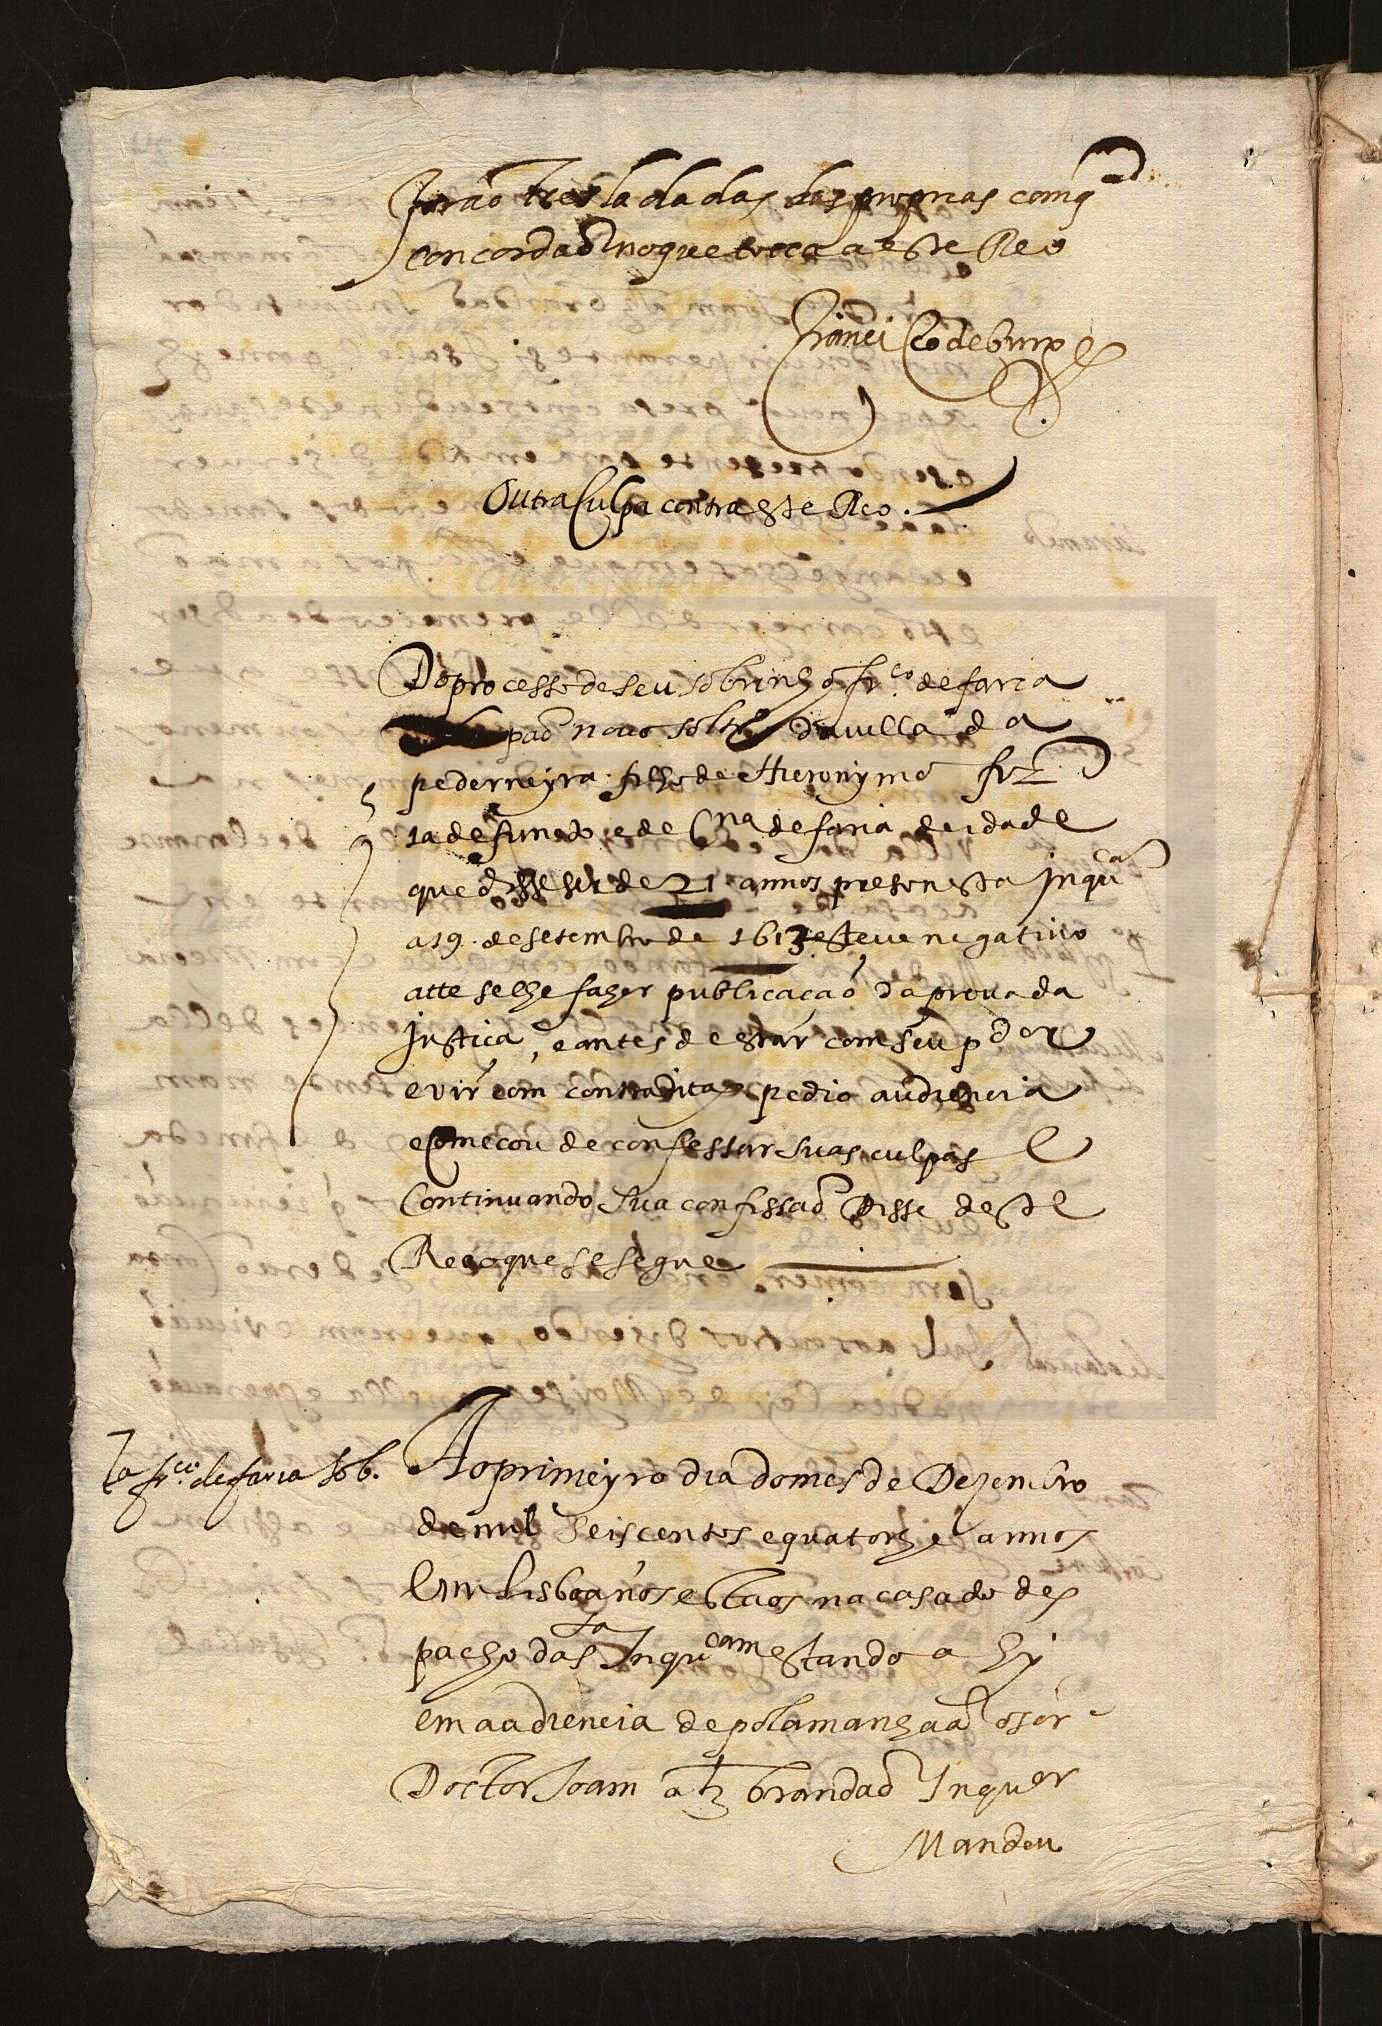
forão tresladadas das proprias com q̄
concordaõ no que tocca a este Reo
Francisco de burges
Outra Culpa contra este Reo.
Do processo de seu sobrinho fr.co de faria
Xpão nouo soltro da uilla da
pederneyra filho de Hieronymo fr̄z
ia defuncto e de Cna de faria de idade
que disse ser de 21 annos preso nesta Jnquçā
a 19 de setembro de 1613 esteue negatiuo
atte se lhe fazer publicaçaõ da proua da
justiça, e antes de estar com seu pdor
e vir com contraditas pedia audiencia
e Começou de confessar suas culpas e
Continuando sua confissaõ Disse deste
Reo o que se segue.
ta fr.co de faria sob. Ao primeyro dia do mes de Dezembro
de mil seiscentos e quatorze annos
em lisboa nos estaos na casa do des
pacho da sta Inquçam estando ahy
em audiencia de pola manhaā o sor̄
Doctor Ioam al̄z brandaõ Inquor
Mandou
